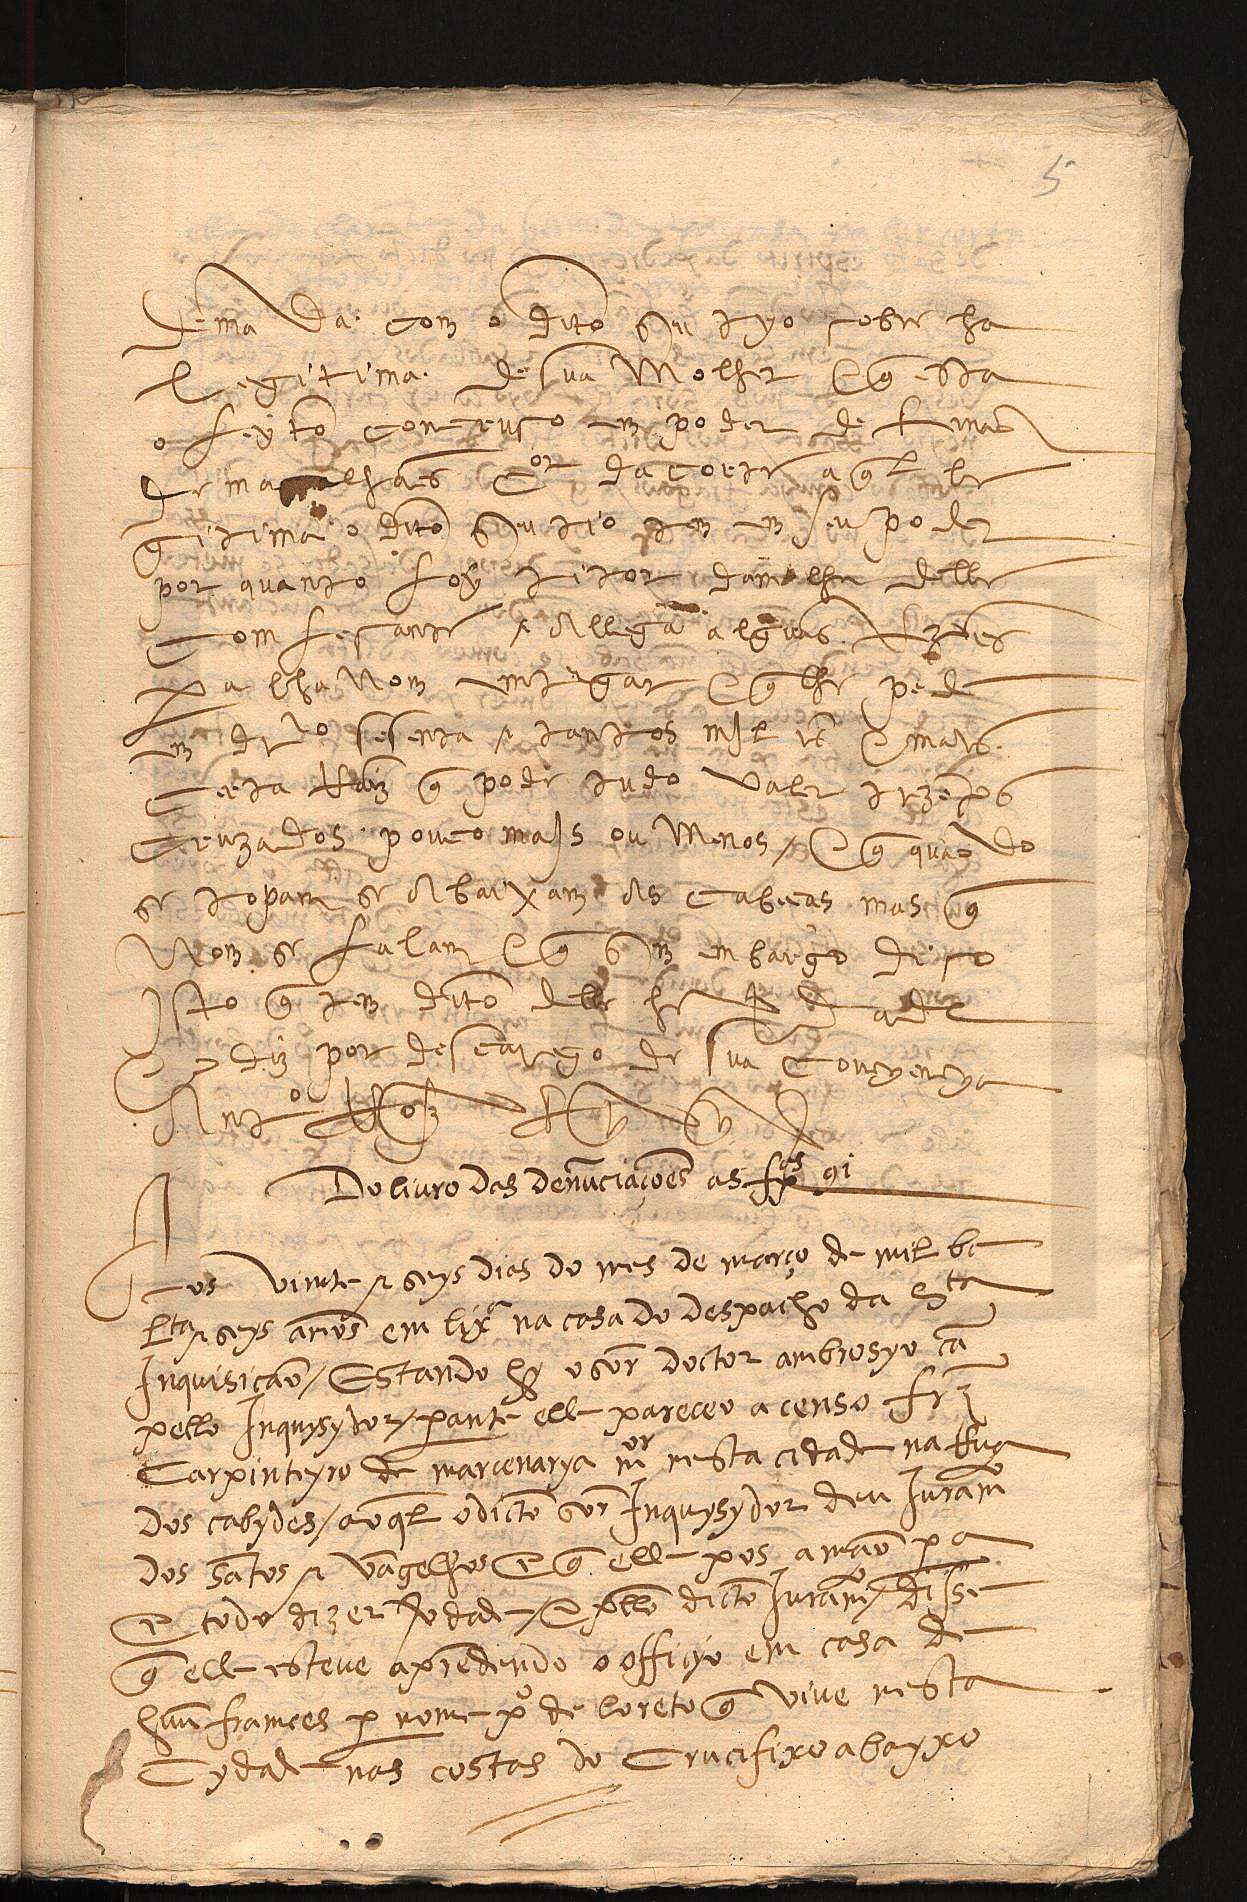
demāda com o d̄ito seu tyo sobre ha
legitima de sua molher e q̄ esta
o feyto concruso em poder de fernaõ
de magalhães Cor da corte a q̄L le
gitima o dīto seu tio tem em seu poder
porquanto foy titor da molher delle
Comfesante e Allega alguās Rezoẽs
ꝑa lha nom emtregar e q̄ lhe pede
em drro sesenta e tantos mJl rs̄ e mais
Certa Raīz q̄ pode tudo valer trezētos
Cruzados pouco maJs ou menos / e q̄ quãodo
se topam se Abaixam As cabeças mas q̄
Nom se falam e q̄ sem embargo diso
Jsto q̄ tem dīto delle he ꝟdade
e o diz por descargo de sua concyencya
Anto RōJz o stp̄vy
Do liuro das denūciações as fꝭas 9i
Aos vimte e seys dias do mes de março de miL bc
Lta e seys ānos em lixa na casa do despacho da Sta
Jnquisição / Estando hy o so̅r doctor ambrosyo c̄a
pello Jnquysydor / ꝑante elle pareceo acenso frz̄
Carpinteyro de marcenarya mor nesta cidade na Rua
Dos cabydes / ao q̄L o dīcto sōr Jnquysydor deu Juramto
dos Sātos evāgelhos ē q̄ elle pos a mão ꝑa
ē todo dizer ꝟdade / e p̄llo dic̄to Juramto / disse
q̄ elle esteue apr̄edendo o officyo em casa de
huū framces ꝑ nome po de loreto q̄ viue nesta
Cydade nas costas do Crucifixo abayxo
